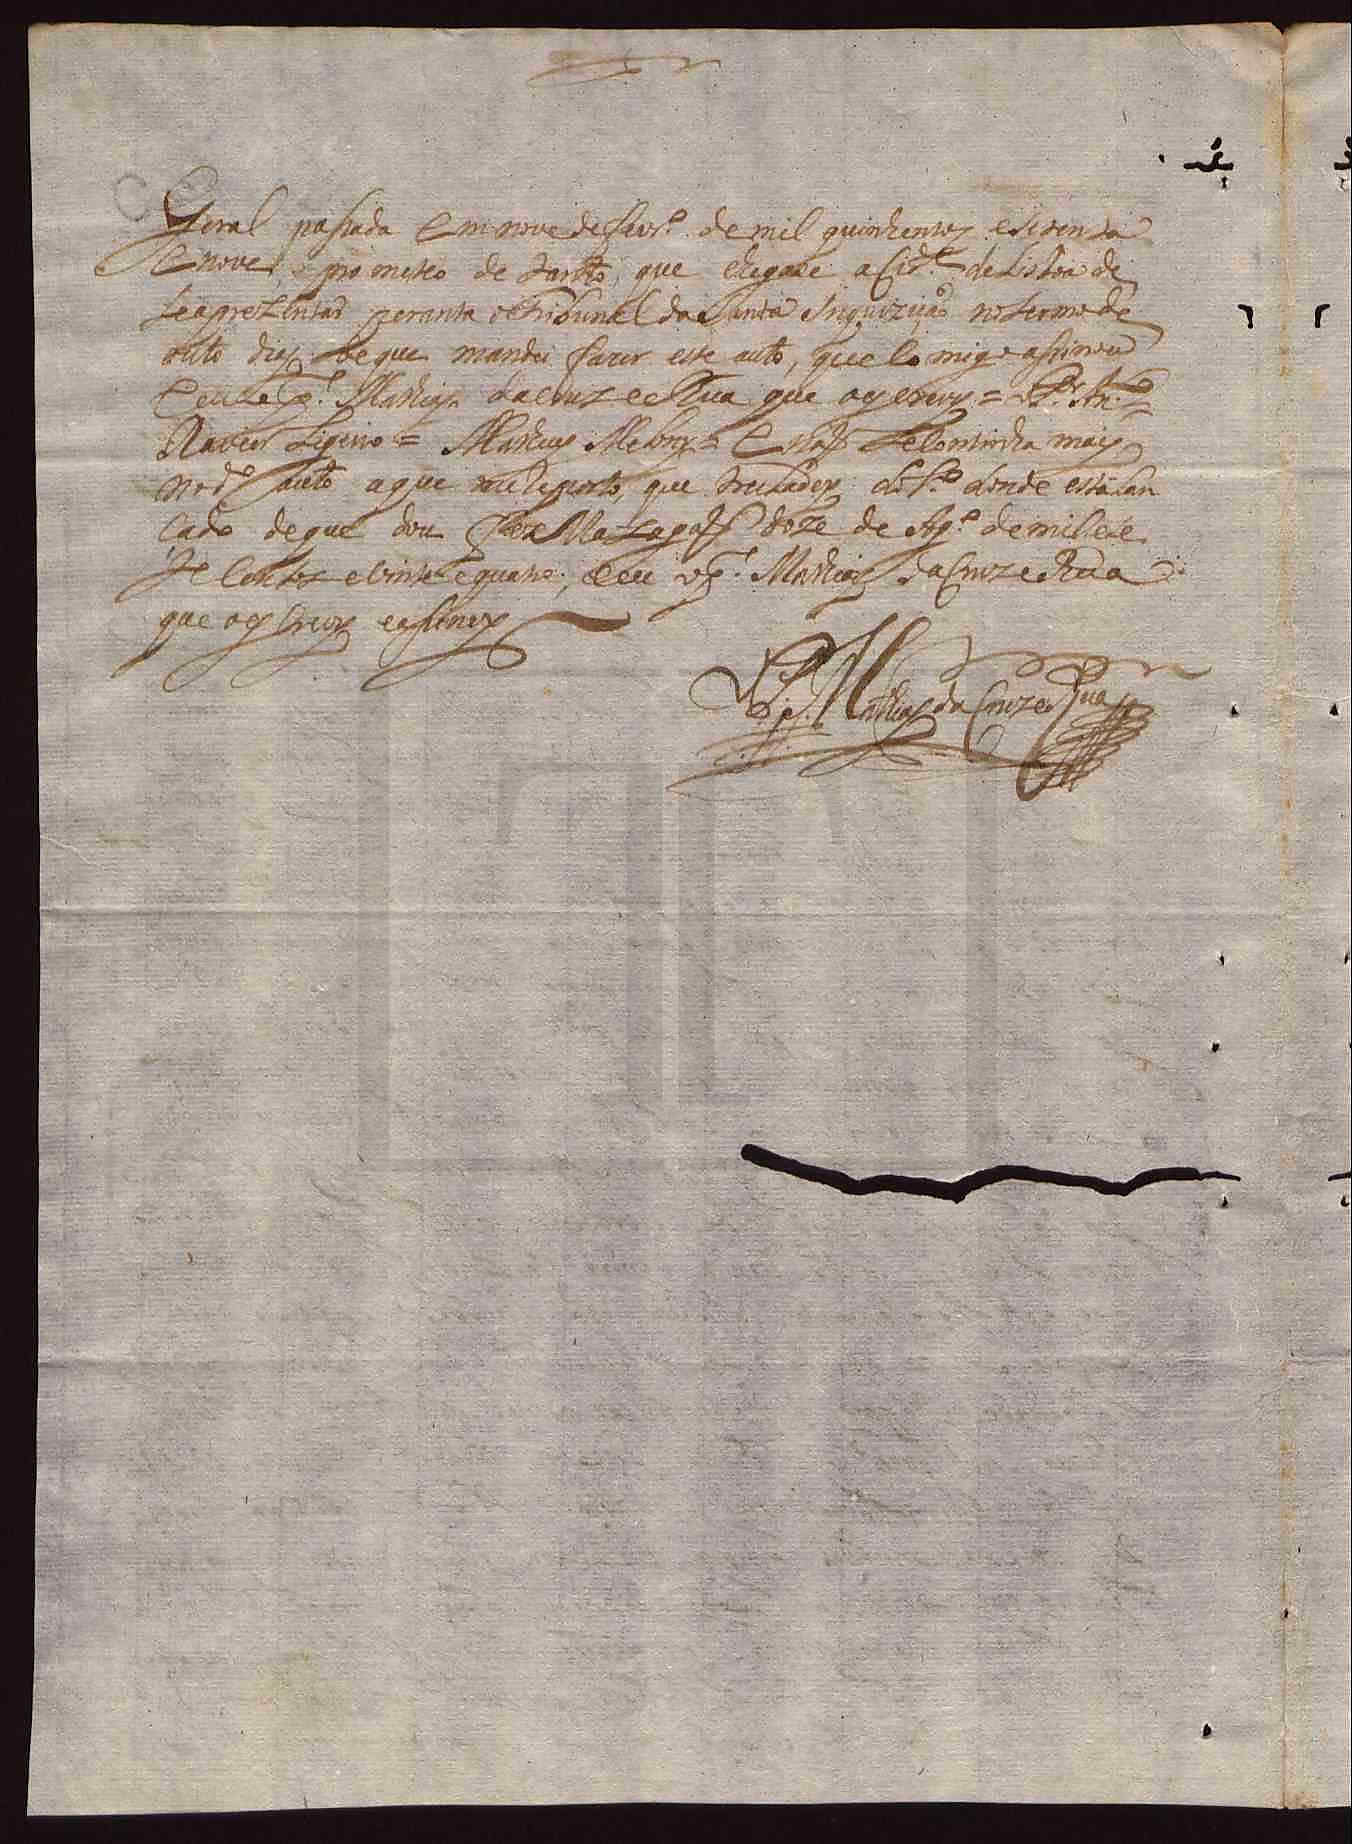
Geral passada em noue de feur.o de mil quinhentos, e setenta
E nove, prometeo de tantto, que chegase a Cid.e de Lisboa de
se aprezentar perante o Tribunal da Santa Inquiziçaõ no termo de
outo dias de que mandei fazer este auto, que Comigo assinou
E eu o p.e Mathias da cruz e Rua que o escrevy= P.er An.to
Xavier Ligerio= Matheus Melony E naõ Se Continha mais
no d.o auto a que me Reporto, que tresladey do L.o donde está Lan
çado de que dou fee Mazagaõ doze de Ag.o de mil e se
te Centos e vinte e quatro; e eu o p.e Mathias da Cruz e Rua
que o esCrevy e assiney
o P.e Mathias da Cruz e Rua
